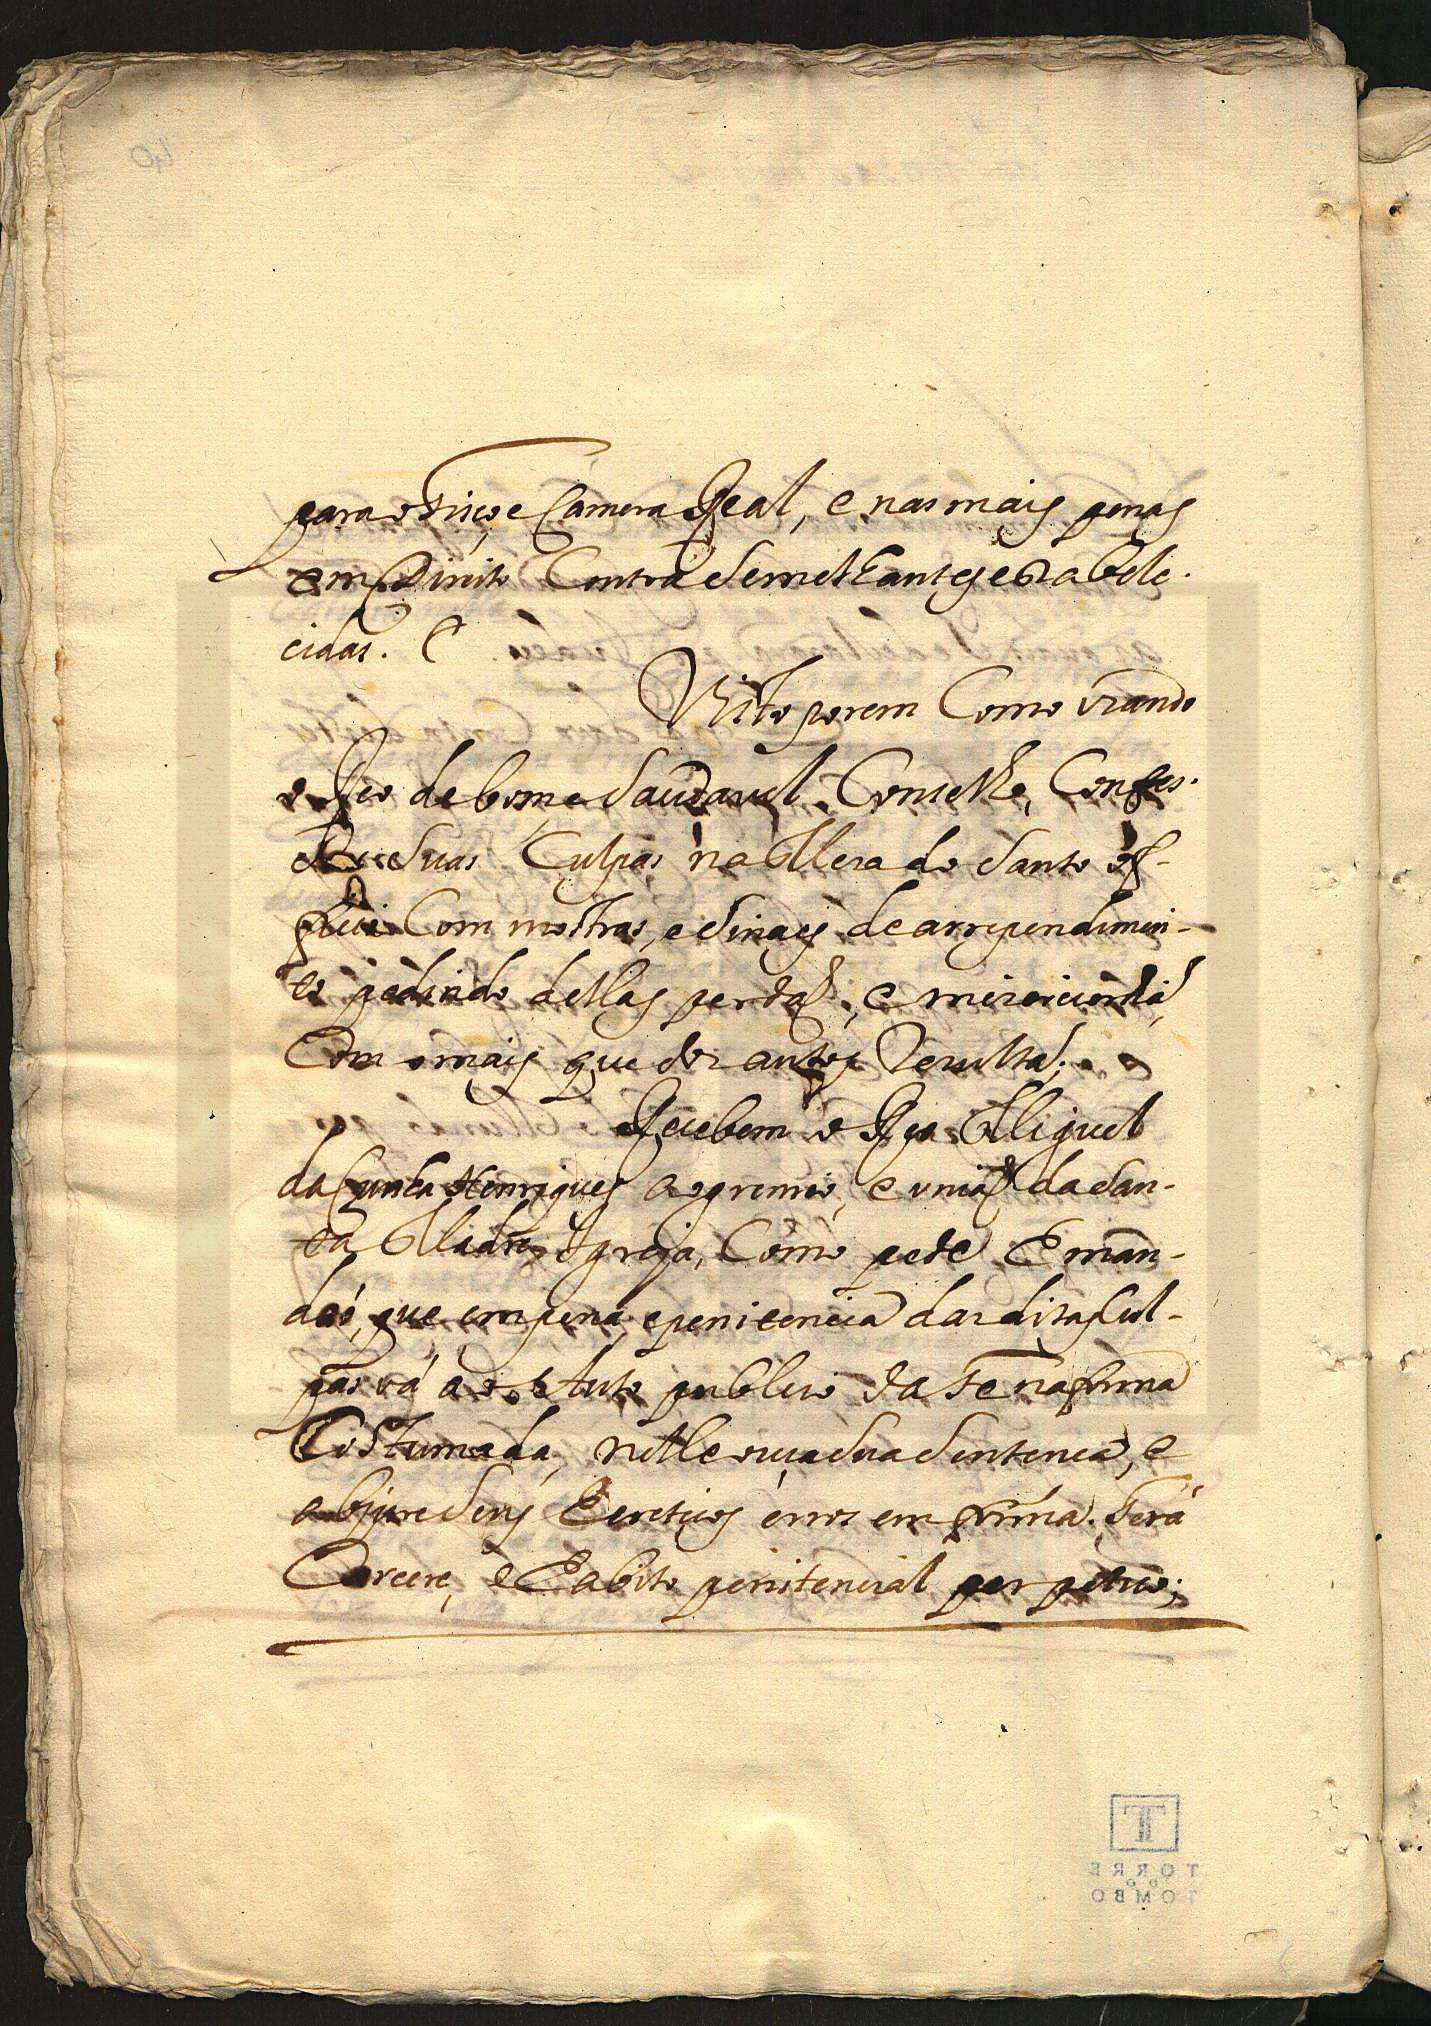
para o Fisco, e Camera Real, e nas mais penas
em Direito Contra Semelhantes estabele
cidas. E
Visto porem Como vzando
o Reo de bom, e Saudauel Conselho, Confes
Suas Culpas na Meza do Santo of
ficio Com mostras, e sinaes de arrependimen
to pedindo dellas perdaõ, e mizericordia,
Com o mais que dos autos Rezulta;
Recebem o Reo Miguel
da Cunha Henriques ao gremio, e vniaõ da San
ta Madre Igreja, Como pede E man
daõ, que em pena, e penitencia das ditas Cul
pas vá ao Auto publico da Fe na forma
Costumada, nelle ouça Sua Sentença, e
abjure seus hereticos erros em forma. Terá
Carcere, e habito penitencial perpetuo;
